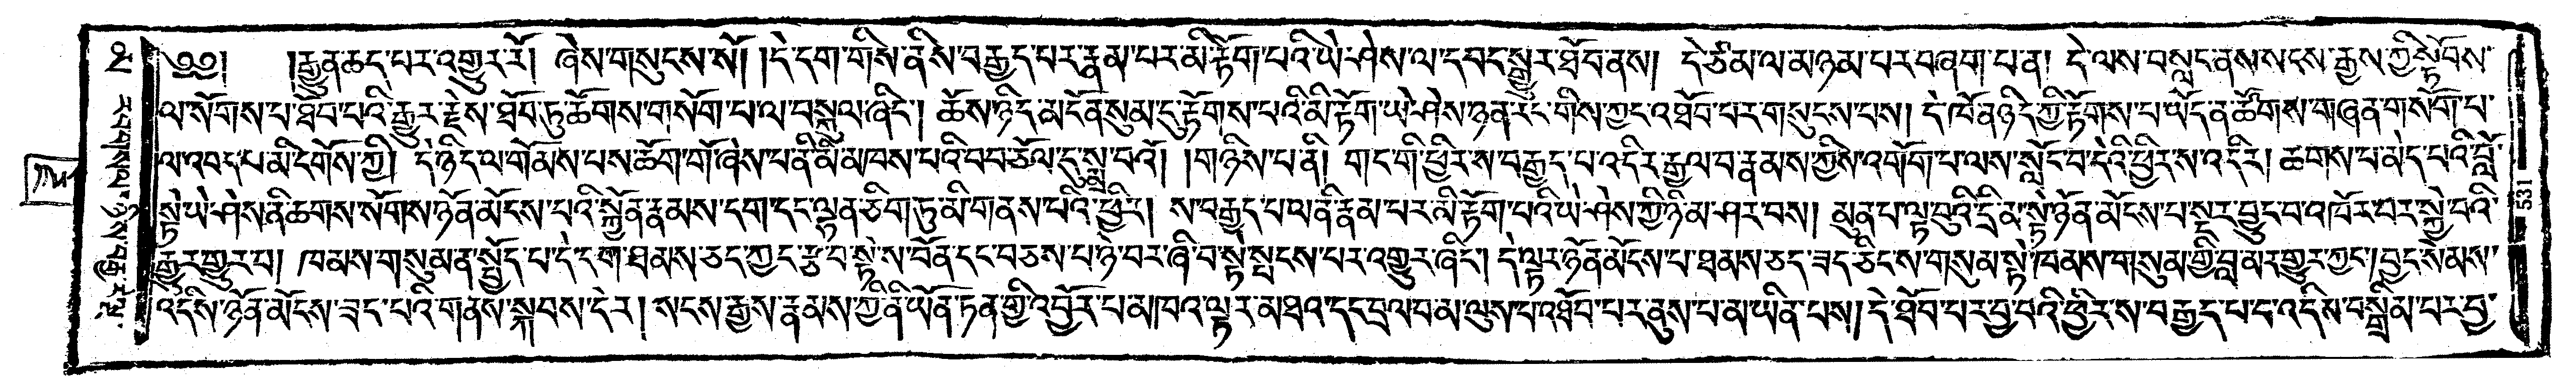༄༅། །རྒྱུན་ཆད་པར་འགྱུར་རོ། ཞེས་གསུངས་སོ། །དེ་དག་གིས་ནི་ས་བརྒྱད་པར་རྣམ་པར་མི་རྟོག་པའི་ཡེ་ཤེས་ལ་དབང་སྒྱུར་ཐོབ་ནས། དེ་ཙམ་ལ་མཉམ་པར་བཞག་པ་ན། དེ་ལས་བསླང་ནས་སངས་རྒྱས་ཀྱི་སྟོབས་
ལ་སོགས་པ་ཐོབ་པའི་རྒྱུར་རྗེས་ཐོབ་ཏུ་ཚོགས་གསོག་པ་ལ་བསྐུལ་ཞིང་། ཆོས་ཉིད་མངོན་སུམ་དུ་རྟོགས་པའི་མི་རྟོག་ཡེ་ཤེས་ཉན་རང་གིས་ཀྱང་འཐོབ་པར་གསུངས་པས། དེ་ཁོ་ན་ཉིད་ཀྱི་རྟོགས་པ་ཡོད་ན་ཚོགས་གཞན་གསོག་པ་
ལ་འབད་པ་མི་དགོས་ཀྱི། དེ་ཉིད་ལ་གོམས་པས་ཆོག་གོ་ཞེས་པ་ནི་མི་མཁས་པའི་བབ་ཅོལ་དུ་སྨྲ་བའོ། གཉིས་པ་ནི། གང་གི་ཕྱིར་ས་བརྒྱད་པ་འདིར་རྒྱལ་བ་རྣམས་ཀྱིས་འགོག་པ་ལས་སློང་བ་དེའི་ཕྱིར་ས་འདིར། ཆགས་པ་མེད་པའི་བློ་
སྟེ་ཡེ་ཤེས་ནི་ཆགས་སོགས་ཉོན་མོངས་པའི་སྐྱོན་རྣམས་དག་དང་ལྷན་ཅིག་ཏུ་མི་གནས་པའི་ཕྱིར། ས་བརྒྱད་པ་ལ་ནི་རྣམ་པར་མི་རྟོག་པའི་ཡེ་ཤེས་ཀྱི་ཉི་མ་ཤར་བས། མུན་པ་ལྟ་བུའི་དྲི་མ་སྟེ་ཉོན་མོངས་པ་སྔར་བྱུང་བ་འཁོར་བར་སྐྱེ་བའི་
རྒྱུར་གྱུར་བ། ཁམས་གསུམ་ན་སྤྱོད་པ་དེ་དག་ཐམས་ཅད་ཀྱང་རྩ་བ་སྟེ་ས་བོན་དང་བཅས་པ་ཉེ་བར་ཞི་བ་སྟེ་སྤངས་པར་འགྱུར་ཞིང་། དེ་ལྟར་ཉོན་མོངས་པ་ཐམས་ཅད་ཟད་ཅིང་ས་གསུམ་སྟེ་ཁམས་གསུམ་གྱི་བླ་མར་གྱུར་ཀྱང་། བྱང་སེམས་
འདིས་ཉོན་མོངས་ཟད་པའི་གནས་སྐབས་དེར། སངས་རྒྱས་རྣམས་ཀྱི་ནི་ཡོན་ཏན་གྱི་འབྱོར་བ་མཁའ་ལྟར་མཐའ་དང་བྲལ་བ་མ་ལུས་པ་འཐོབ་པར་ནུས་པ་མ་ཡིན་པས། དེ་ཐོབ་པར་བྱ་བའི་ཕྱིར་ས་བརྒྱད་པ་བ་འདིས་བསྒྲིམ་པར་བྱ་